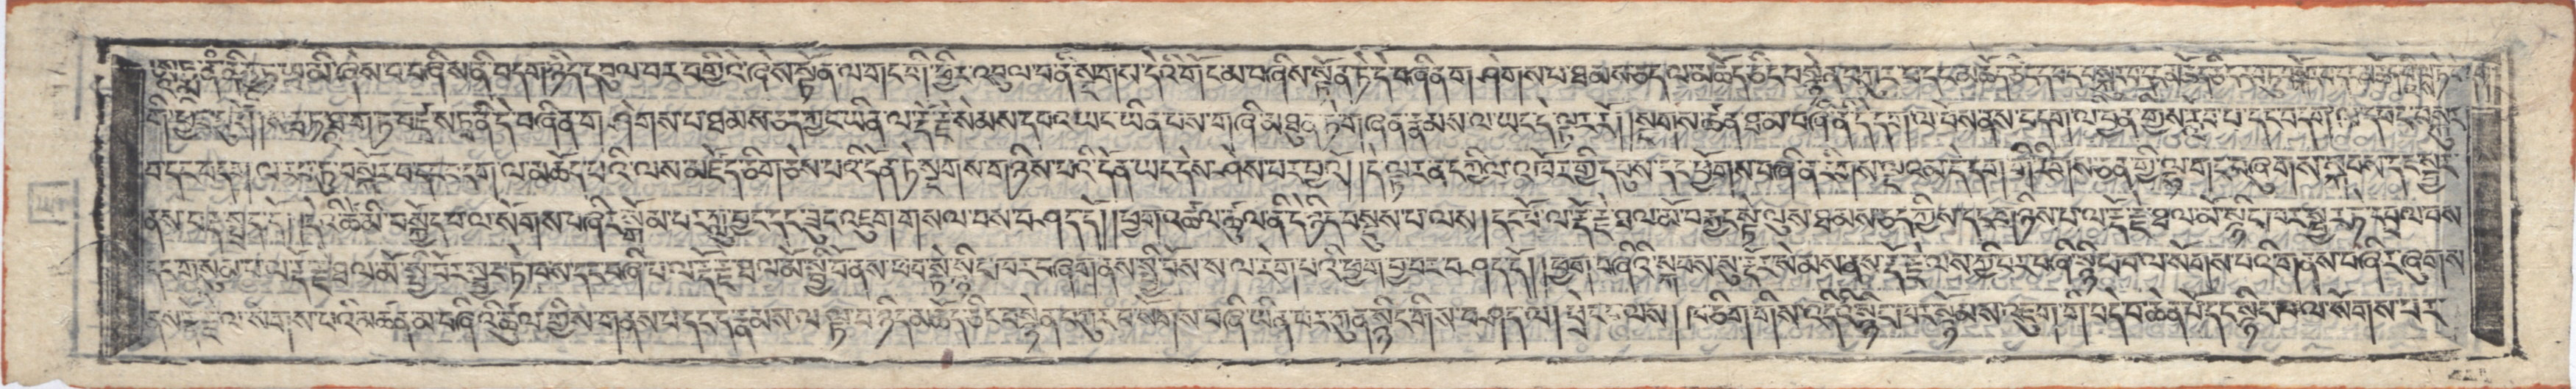ཨཱཏྨ་ནཾ་ནིརྱཱ་ཏ་ཡཱ་མི་ཞེས་པ་བཞིས་ནི་བདག་ཉིད་དབུལ་བར་བགྱིའོ་ཞེས་སྟོན་ལ་གང་གི་ཕྱིར་འབུལ་བ་ནི་སྔགས་དེའི་གོང་མ་བཞིས་སྟོན་ཏེ་དེ་བཞིན་གཤེགས་པ་ཐམས་ཅད་ལ་མཆོད་ཅིང་བསྙེན་བཀུར་བ་དང་མཆོད་ཅིང་དབང་བསྐུར་བ་དང་མཆོད་ཅིང་རབ་ཏུ་བསྐོར་བ་དང་མཆོད་པའི་?་ལས་ཏེ་དེ་དག་
གི་ཕྱིར་དུའོ། །སརྦ་ཏ་ཐཱ་ག་ཏ་བཛྲ་སཏྭ་ནི་དེ་བཞིན་གཤེགས་པ་ཐམས་ཅད་ཀྱང་ཡིན་ལ་རྡོ་རྗེ་སེམས་དཔའ་ཡང་ཡིན་པས་གཞི་མཐུན་ཏེ་གཞན་རྣམས་ལ་ཡང་དེ་ལྟར་རོ། །སྔགས་ཚན་ཐ་མ་བཞི་ནི་དེ་དག་ལ་བོས་ནས་བདག་ལ་བྱིན་གྱིས་རློབ་པ་དང་བདག་ལ་དབང་བསྐུར་
བ་དང་བདག་ལ་རབ་ཏུ་བསྐོར་བ་དང་བདག་ལ་མཆོད་པའི་ལས་མཛོད་ཅིག་ཅེས་པའི་དོན་ཏེ་སྔགས་གཉིས་པའི་དོན་ཡང་དེས་ཤེས་པར་བྱའོ། །དེ་ལྟར་ན་དཀྱིལ་འཁོར་གྱི་དབུས་དང་ཕྱོགས་བཞི་ན་རིགས་ལྔའམ་དེ་དག་གི་རིགས་ཅན་གྱི་ལྷ་གང་བཞུགས་སྐབས་དང་སྦྱར་
ནས་བརྡ་སྤྲད་དོ། །དེའི་ཚེ་མི་བསྐྱོད་པ་ལ་སོགས་བཞིར་སྒོམ་པར་ཀླུ་བྱང་དང་ཟུང་འཇུག་གསལ་བས་བཤད་དོ། །ཕྱག་འཚལ་ཚུལ་ནི་དེ་ཉིད་བསྡུས་པ་ལས། དང་པོ་ལ་རྡོ་རྗེ་ཐལ་མོ་བརྐྱང་སྟེ་ལུས་ཐམས་ཅད་ཀྱིས་དང་གཉིས་པ་ལ་རྡོ་རྗེ་ཐལ་མོ་སྙིང་ཁར་སྦྱར་ཏེ་དབྲལ་བས་
དང་གསུམ་པ་ལ་རྡོ་རྗེ་ཐལ་མོ་སྤྱི་བོར་སྦྱར་ཏེ་ཁ་ས་དང་བཞི་པ་ལ་རྡོ་རྗེ་ཐལ་མོ་སྤྱི་བོ་ནས་ཕབ་སྟེ་སྙིང་ཁར་བཞག་ནས་སྤྱི་བོས་ས་ལ་རེག་པའི་ཕྱག་བྱ་བར་བཤད་དོ། །ཕྱག་བཞིའི་སྐབས་སུ་རྡོར་སེམས་ནས་རྡོ་རྗེ་ལས་ཀྱི་བར་བཞི་སྙིང་ཁ་ལ་སོགས་པའི་གནས་བཞིར་ཞུགས་
ནས་རྡོ་རྗེ་ལ་སོགས་པའི་མཚན་མ་བཞིའི་ཚུལ་གྱིས་གནས་པ་དང་དེ་རྣམས་ལ་ལྟ་བ་ཉིད་མཆོད་ཅིང་བསྙེན་བཀུར་བ་སོགས་བཞི་ཡིན་པར་ཀུན་སྙིང་གིས་བཤད་ལ། ཕྲེང་བ་ལས། ཁ་ཅིག་གིས་འདིའི་སྙིང་ཁར་སྙོམས་འཇུག་གི་བདེ་བ་ཆེན་པོ་དང་སྙིང་ཁ་ལ་སོགས་པར་